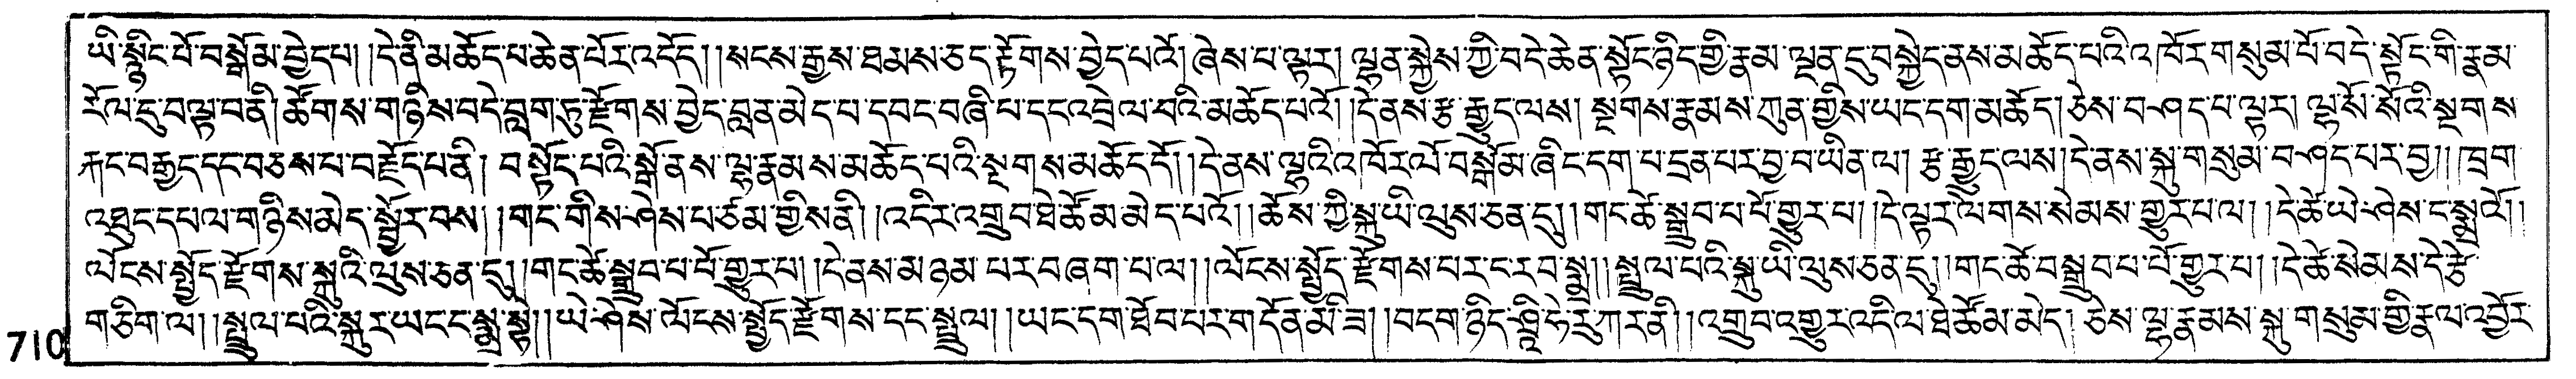ཡི་སྙིང་པོ་བསྒོམ་བྱེད་པ། །དེ་ནི་མཆོད་པ་ཆེན་པོར་འདོད། །སངས་རྒྱས་ཐམས་ཅད་རྟོགས་བྱེད་པའོ། ཞེས་པ་ལྟར། ལྷན་སྐྱེས་ཀྱི་བདེ་ཆེན་སྟོང་ཉིད་ཀྱི་རྣམ་ལྡན་དུ་བསྐྱེད་ནས་མཆོད་པའི་འཁོར་གསུམ་པོ་བདེ་སྟོང་གི་རྣམ་
རོལ་དུ་བལྟ་བ་ནི། ཚོགས་གཉིས་བདེ་བླག་ཏུ་རྫོགས་བྱེད་བླ་ན་མེད་པ་དབང་བཞི་པ་དང་འབྲེལ་བའི་མཆོད་པའོ། །དེ་ནས་རྩ་རྒྱུད་ལས། སྔགས་རྣམས་ཀུན་གྱིས་ཡང་དག་མཆོད། ཅེས་བཤད་པ་ལྟར། ལྷ་སོ་སོའི་སྔགས་
རྐང་བརྒྱད་དང་བཅས་པ་བརྗོད་པ་ནི། བསྟོང་པའི་སྒོ་ནས་ལྷ་རྣམས་མཆོད་པའི་སྔགས་མཆོད་དོ། །དེ་ནས་ལྷའི་འཁོར་ལོ་བསྒོམ་ཞིང་དག་པ་དྲན་པར་བྱ་བ་ཡིན་ལ། རྩ་རྒྱུད་ལས། དེ་ནས་སྐུ་གསུམ་བཤད་པར་བྱ། །ཁྲག་
འཐུང་དཔལ་གཉིས་མེད་སྦྱོར་བས། །གང་གིས་ཤེས་པ་ཙམ་གྱིས་ནི། །འདིར་འགྲུབ་ཐེ་ཚོམ་མེད་པའོ། །ཆོས་ཀྱི་སྐུ་ཡི་ལུས་ཅན་དུ། །གང་ཚེ་སྒྲུབ་པ་པོ་གྱུར་པ། །དེ་ལྟར་ལེགས་སེམས་གྱུར་པ་ལ། །དེ་ཚེ་ཡེ་ཤེས་ང་སྨྲའོ། །
ལོངས་སྤྱོད་རྫོགས་སྐུའི་ལུས་ཅན་དུ། །གང་ཚེ་སྒྲུབ་པ་པོ་གྱུར་པ། །དེ་ནས་མཉམ་པར་བཞག་པ་ལ། །ལོངས་སྤྱོད་རྫོགས་པར་ང་རབ་སྨྲ། །སྤྲུལ་པའི་སྐུ་ཡི་ལུས་ཅན་དུ། །གང་ཚེ་བསྒྲུབ་པ་པོ་གྱུར་པ། །དེ་ཚེ་སེམས་དེ་རྩེ་
གཅིག་ལ། །སྤྲུལ་པའི་སྐུར་ཡང་ང་སྨྲ་སྟེ། །ཡེ་ཤེས་ལོངས་སྤྱོད་རྫོགས་དང་སྤྲུལ། །ཡང་དག་ཐོབ་པར་གདོན་མི་ཟ། །བདག་ཉིད་ཤྲཱི་ཧེ་རུ་ཀར་ནི། །འགྲུབ་འགྱུར་འདི་ལ་ཐེ་ཚོམ་མེད། ཅེས་ལྷ་རྣམས་སྐུ་གསུམ་གྱི་རྣལ་འབྱོར་